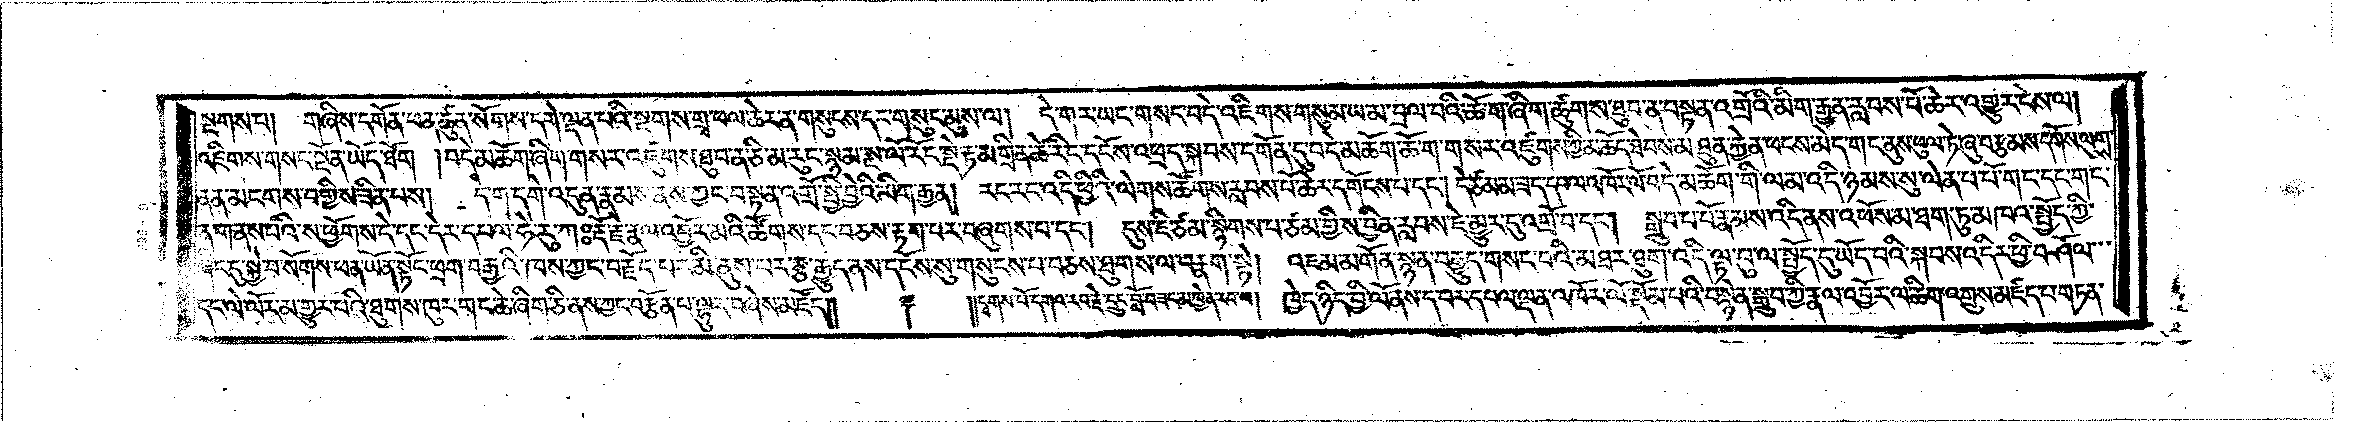སྔགས་པ། གཞིས་དགོན་ཕན་ཚུན་སོགས་དགེ་ལྡན་པའི་སྔགས་གྲྭ་ཕལ་ཆེར་ན་གསུངས་དང་གསུང་མུས་ལ། དེ་གར་ཡང་གསང་བདེ་འཇིགས་གསུམ་ཡ་མ་བྲལ་བའི་ཆོ་ག་ཞིག་ཚུགས་ཐུབ་ན་བསྟད་འགྲོའི་མིག་རྒྱན་རླབས་པོ་ཆེར་འགྱུར་ངེས་ལ།
འཇིགས་གསང་སྔོན་ཡོད་ཐོག །བདེ་མཆོག་ཞིག་གསར་འཛུགས་ཐུབ་ན་ཅི་མ་རུང་སྙམ་སྔ་ལོ་རོང་སྡེ་རྟ་མགྲིན་ཚེ་རིང་དངོས་འཕྲད་སྐབས་དགོན་དུ་བདེ་མཆོག་ཆོ་ག་གསར་འཛུགས་ཀྱི་མཆོད་ཐེབས་མཐུན་རྐྱེན་ཕངས་མེད་གང་ནུས་ཕུལ་ཏེ་ཞུ་བརྩམས་དགོས་ལུགས་
ནན་མངགས་བགྱིས་ཟིན་པས། དེ་ག་དགེ་འདུན་རྣམས་ནས་ཀྱང་བསྟན་འགྲོ་སྤྱི་བྱེའི་མིག་རྒྱན། རང་རང་འདི་ཕྱིའི་ལེགས་ཚོགས་རླབས་པོ་ཆེར་དགོངས་པ་དང་། དེ་ཙམ་མ་ཟད་དཔལ་འཁོར་ལོ་བདེ་མཆོག་གི་ལམ་འདི་ཉམས་སུ་ལེན་པ་པོ་གང་དང་གང་
ན་གནས་པའི་ས་ཕྱོགས་དེ་དང་དེར་དཔལ་ཧེ་རུ་ཀཿ རོད་རྗེ་རྣལ་འབྱོར་མའི་ཚོགས་དང་བཅས་རྟག་པར་བཞུགས་པ་དང་། དུས་ཇི་ཙམ་སྙིགས་པ་ཙམ་གྱིས་བྱིན་རླབས་ཇེ་མྱུར་དུ་འགྲོ་བ་དང་། སྒྲུབ་པ་པོ་རྣམས་འདི་ནས་འཕོས་མ་ཐག་ཏུ་མཁའ་སྤྱོད་ཀྱི་
ཞིང་དུ་སྐྱེ་བ་སོགས་ཕན་ཡོན་སྟོང་ཕྲག་བརྒྱའི་ཁས་ཀྱང་བརྗོད་པར་མི་ནུས་པར་རྩ་རྒྱུད་ནས་དངོས་སུ་གསུངས་པ་བཅས་ཐུགས་ལ་བྲང་སྟེ། འཇམ་མགོན་སྙན་བརྒྱུད་གསང་བའི་མཐར་ཐུག་འདི་ལྟ་བུ་ལ་སྤྱོད་དུ་ཡོད་པའི་སྐབས་འདིར་ཕྱི་བཤོལ་
དང་ལེ་ལོར་མ་གྱུར་པའི་ཐུགས་ཁུར་གང་ཆེ་ཞིག་ཅི་ནས་ཀྱང་བརྩོན་པ་ལྷུར་བཞེས་མཛོད།། ༈ །།དྭགས་པོ་དགའ་རབ་རྗེ་དྲུང་བློ་བཟང་མཁྱེན་རབ་ལ།  ཁྱེད་ཉིད་བྱི་ལོ་ནས་ད་བར་དཔལ་ལྡན་འཁོར་ལོ་སྡོམ་པའི་བསྙེན་སྒྲུབ་ཀྱི་རྣལ་འབྱོར་ལ་ཚིག་འགྲུས་མཛད་པ་གཏན་